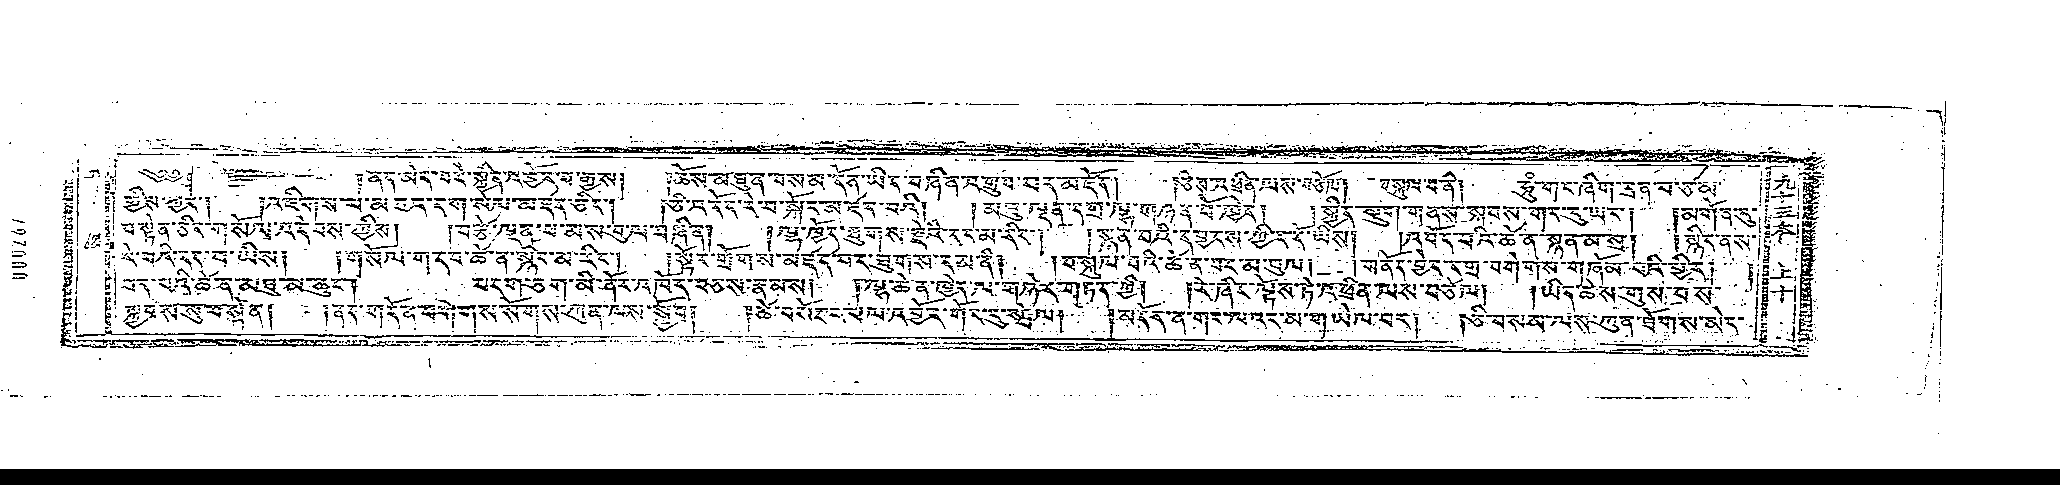༄༅། །ནད་མེད་བདེ་སྐྱིད་འབྱོར་བ་རྒྱས། །ཆོས་མཐུན་བསམ་དོན་ཡིད་བཞིན་འགྲུབ་པར་མཛོད། །ཅེས་འཕྲིན་ལས་བཅོལ། བསྐུལ་བ་ནི། ཧཱུཾ་གང་ཞིག་དྲན་པ་ཙམ་
གྱིས་ཀྱང་། །འཇིགས་པ་མཐའ་དག་སེལ་མཛད་ཅིང་། །ཅི་འདོད་རེ་བ་སྐོང་མཛད་པའི། །མཐུ་ལྡན་དགྲ་ལྷ་གཉན་བོ་ཁྱེད། །སྐྱིད་སྡུག་གནས་སྐབས་གང་དུ་ཡང་། །མགོན་དུ་
བསྟེན་ཅིང་གསོལ་འདེབས་ཀྱིས། །བརྩེ་ལྡན་ཕ་མས་བུ་ལ་བཞིན། །ལྷ་ཁྱོད་ཐུགས་རྗེའི་དང་མ་རིང་། །སྙན་པའི་དབྱངས་ཀྱི་ད་རོ་ཡིས། །འབོད་པའི་ཚེ་ན་སྙན་མ་སྲ། །སྙིང་ནས་
རེ་བའི་དང་པ་ཡིས། །གསོལ་གདབ་ཚེ་ན་སྙིང་མ་རིང་། །སྟོང་གྲོགས་མཛད་པར་ཐུགས་དམ་ནི། །བསྐུལ་བའི་ཚེ་ན་བང་མ་བུལ། །གནོད་བྱེད་དགྲ་བགེགས་གཞོམ་པའི་ཕྱིར། །
རྦད་པའི་ཚེ་ན་མཐུ་མ་ཆུང་། །ཧཱུཾ་བདག་ཅག་མི་ནོར་འཁོར་བཅས་རྣམས། །ལྷ་ཆེན་ཁྱེད་ལ་གཉེར་གཏད་ཀྱི། ཀི་རེ་ཞིང་ལྟོས་ཏེ་འཕྲིན་ལས་བཅོལ། །ཡིད་ཆེས་གུས་པས་
སྐྱབས་སུ་བསྟོན། །ནད་གདོན་བགེགས་སོགས་ཀུན་ལས་སྐྱོབ། །ཚེ་བསོད་དཔལ་འབྱོར་གོང་དུ་སྤེལ། །མདོར་ན་གང་ལའང་མ་གཡེལ་བར། །ཅི་བསམ་ལས་ཀུན་ཐོགས་མེད་